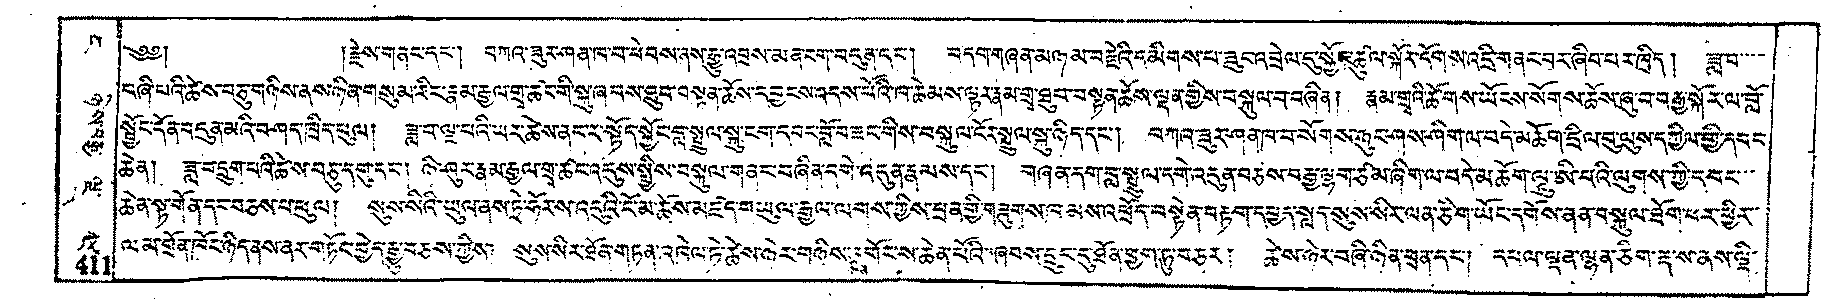༄༅། །རྗེས་གནང་དང་། བཀའ་ཟུར་ཤན་ཁ་བ་ཕེབས་ནས་རྒྱུ་འབྲས་མན་ངག་བདུན་དང་། བདག་གཞན་མཉམ་བརྗེའི་དམིགས་པ་ཟུང་འབྲེལ་དུ་སྐྱོང་ཚུལ་སྐོར་དོགས་འདྲི་གནང་བར་ཞིབ་པར་ཁྲིད། ཟླ་བ་
བཞི་པའི་ཚེས་བཅུ་གཉིས་ནས་ཉིན་གསུམ་རིང་རྣམ་རྒྱལ་གྲྭ་ཚང་གི་སྐུ་ཞབས་ཐུབ་བསྟན་ཆོས་དབྱངས་འདས་པོའི་ཁ་ཆེམས་ལྟར་རྣམ་གྲྭ་ཐུབ་བསྟན་ཆོས་ལྡན་གྱིས་བསྐུལ་བ་བཞིན། རྣམ་གྲྭའི་ཚོགས་ཡོངས་སོགས་ཆོས་ཞུ་བ་བརྒྱ་སྐོར་ལ་བློ་
སྦྱོང་དོན་བདུན་མའི་བཤད་ཁྲིད་ཕུལ། ཟླ་བ་ལྔ་པའི་ཡར་ཚེས་ནང་ར་སྟོད་སྐྱོང་བླ་སྤྲུལ་སྐུ་ངག་དབང་བློ་བཟང་གིས་བསྐུལ་ངོར་སྤྲུལ་སྐུ་ཉིད་དང་། བཀའ་ཟུར་ཤན་ཁ་བ་སོགས་ཉུང་ཤས་ཤིག་ལ་བདེ་མཆོག་དྲིལ་བུ་ལུས་དཀྱིལ་གྱི་དབང་
ཆེན། ཟླ་བ་དྲུག་པའི་ཚེས་བཅུ་དགུ་དང་། ཉི་ཤུར་རྣམ་རྒྱལ་གྲྭ་ཚང་འདུས་སྤྱིས་བསྐུལ་གནང་བཞིན་དགེ་འདུན་རྣམས་དང་། གཞན་དག་བླ་སྤྲུལ་དགེ་འདུན་བཅས་བརྒྱ་ལྷག་ཙམ་ཞིག་ལ་བདེ་མཆོག་ལཱུ་ཨི་པའི་ལུགས་ཀྱི་དབང་
ཆེན་སྟ་གོན་དང་བཅས་པ་ཕུལ། སུས་སིའི་ཡུལ་ནས་ཏྲེ་ཧོར་ས་འདུའི་ངོ་མ་ཆོས་མཛད་གཡུལ་རྒྱལ་ལགས་ཀྱིས་ཕྲན་གྱི་གཟུགས་ཁམས་འཕྲོད་བསྟེན་བརྟག་དཔྱད་སླད་སུས་སིར་ལན་ཅིག་ཡོང་དགོས་ནན་བསྐུལ་ཐོག་ཕར་ཕྱིར་
ལམ་གྲོན་ཁོང་ཉིད་ནས་ནར་གཏོང་བྱེད་རྒྱུ་བཅས་ཀྱིས། སུས་སིར་ཐོན་གཏན་འཁེལ་ཏེ་ཚེས་ཉེར་གཉིས་ཉིན་༧གོང་ས་ཆེན་པོའི་༧ཞབས་དྲུང་དུ་ཐོན་ཕྱག་ཏུ་བཅར། ཚེས་ཉེར་བཞི་ཉིན་ཕྲན་དང་། དཔལ་ལྡན་ལྷན་ཅིག་རྡ་ས་ནས་ལྡི་